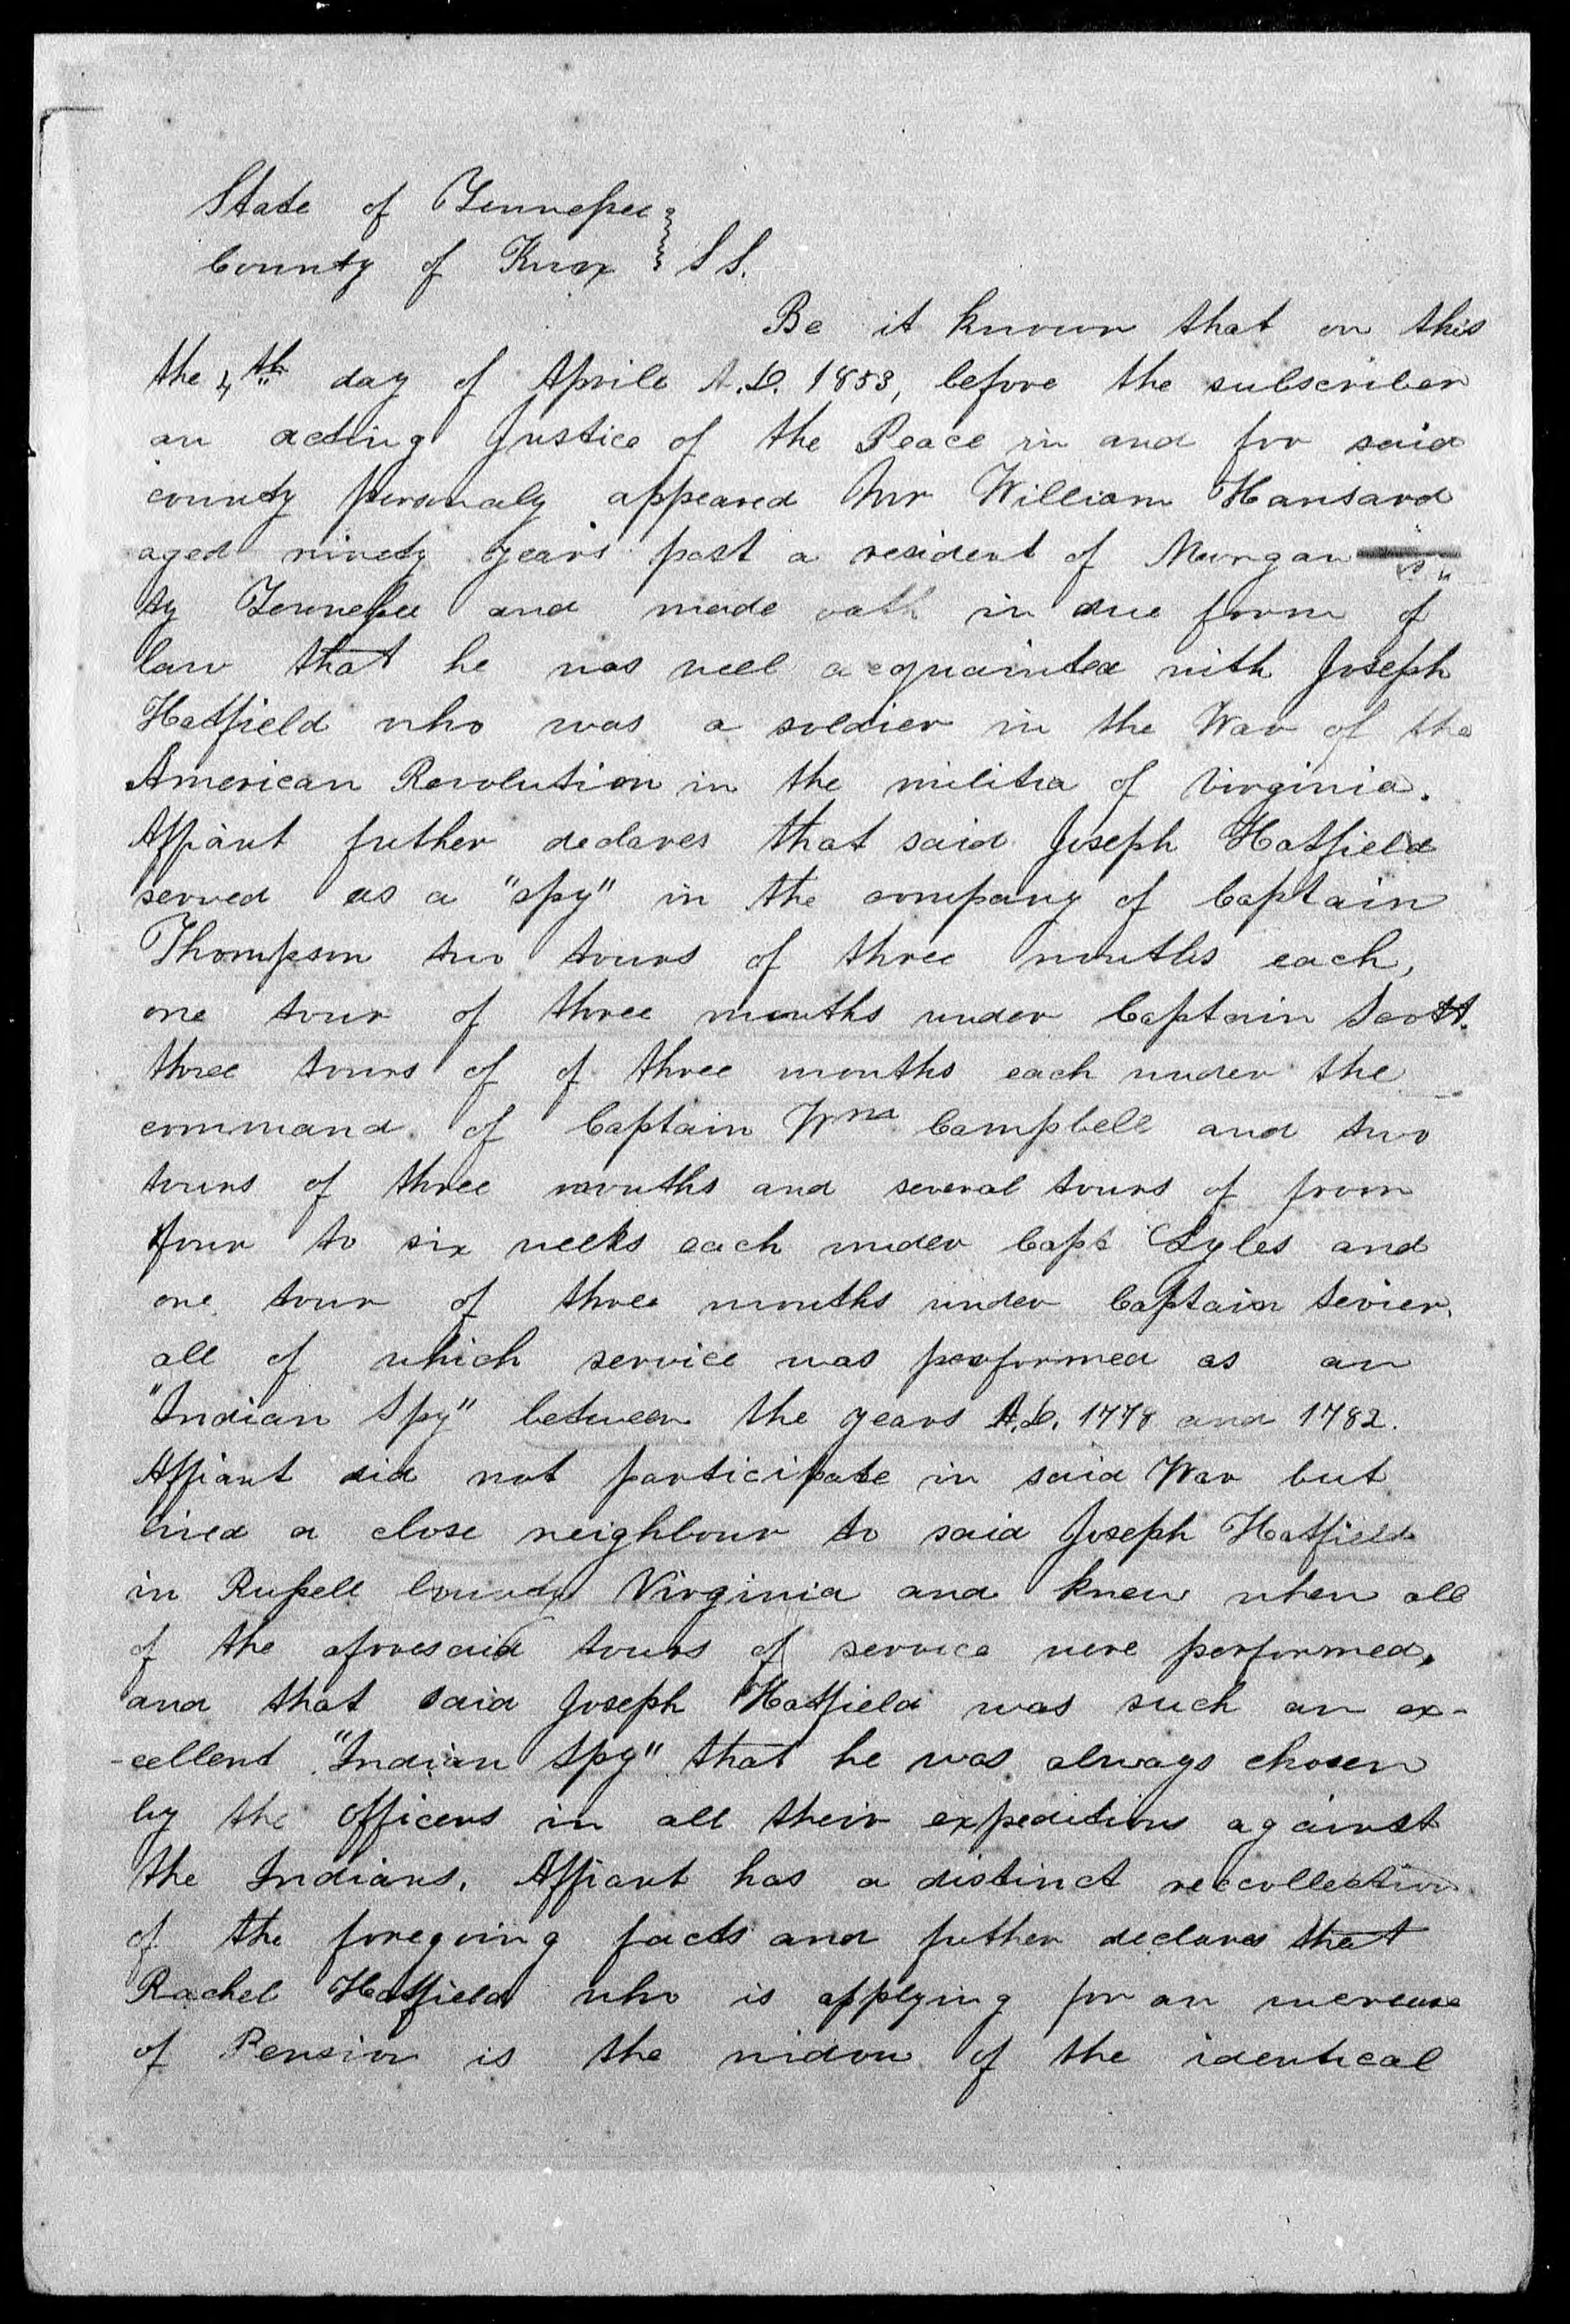State of Tennessee
County of Knox} SS.
Be it known that on this
the 4th day of April A.D. 1853, before the subscriber an acting Justice of the Peace in and for said county personally appeared Mr William Hansard aged ninety years past a resident of Morgan - Tennessee and made oath in due form of law that he was well acquainted with Joseph Hatfield who was a soldier in the War of the American Revolution in the militia of Virginia. Affiant further declares that said Joseph Hatfield served as a "spy" in the company of Captain Thompson two tours of three months each, one tour of three months under Captain Scott three tours of three months each under the command of Captain Wm Campbell and two tours of three months and several tours of from four to six weeks each under Capt Lyles and one tour of three months under Captain Sevier, all of which service was performed as an "Indian Spy" between the years A.D. 1778 and 1782.
Affiant did not participate in said War but lived a close neighbour to said Joseph Hatfield in Russell County Virginia and knew when all of the aforesaid tours of service were performed, and that said Joseph Hatfield was such an excellent "Indian Spy" that he was always chosen by the Officers in all their expeditions against the Indians. Affiant has a distinct recollection of the foregoing facts and further declares that Rachel Hatfield who is applying for an increase of Pension is the widow of the identical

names: Joseph Hatfield, Lyles, Sevier, Wm Campbell, Joseph Hatfield, Joseph Hatfield, Scott, Thompson, Joseph Hatfield, William Hansard, Rachel Hatfield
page: 26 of 74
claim: widow's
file: W. 5, Joseph Hatfield, Va.